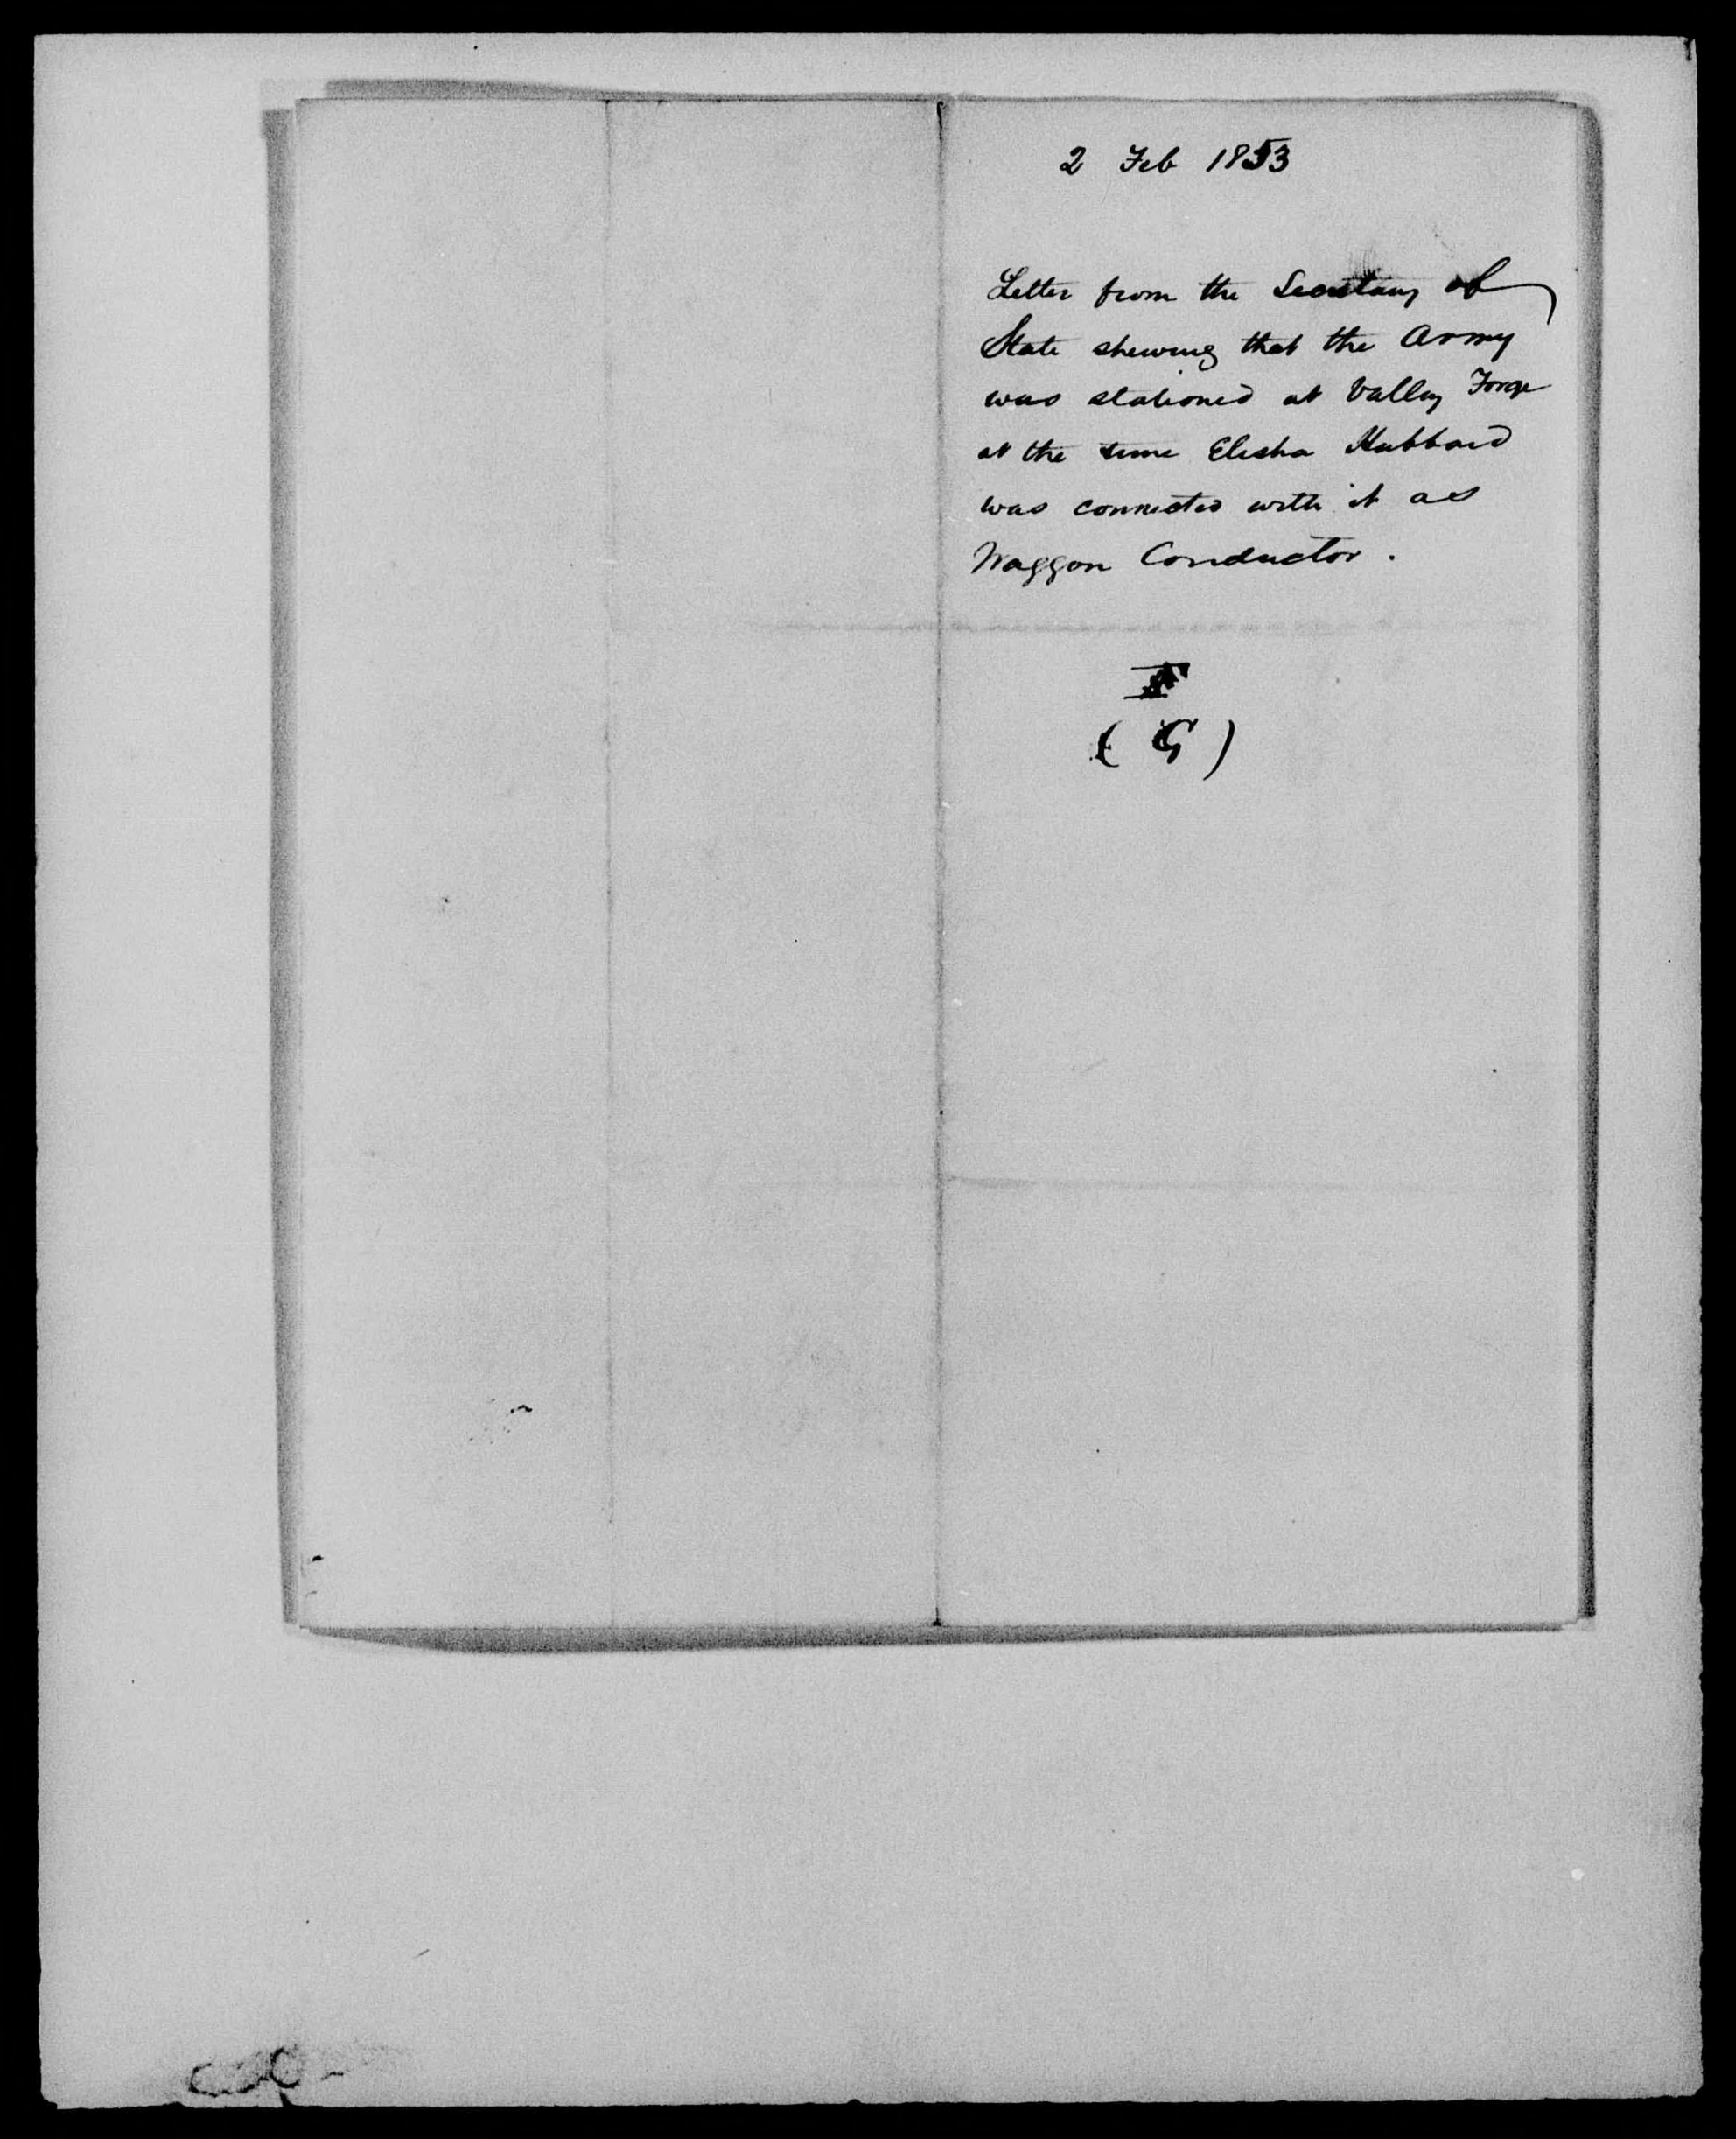2 Feb 1853

Letter from the Secretary of State shewing that the Army was stationed at Valley Forge at the time Elisha Hubbard was connected with it as Waggon Conductor.



(Smudged)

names: Elisha Hubbard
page: 44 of 63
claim: survivor's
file: S. 18457, Elisha Hubbard, Conn. Continental